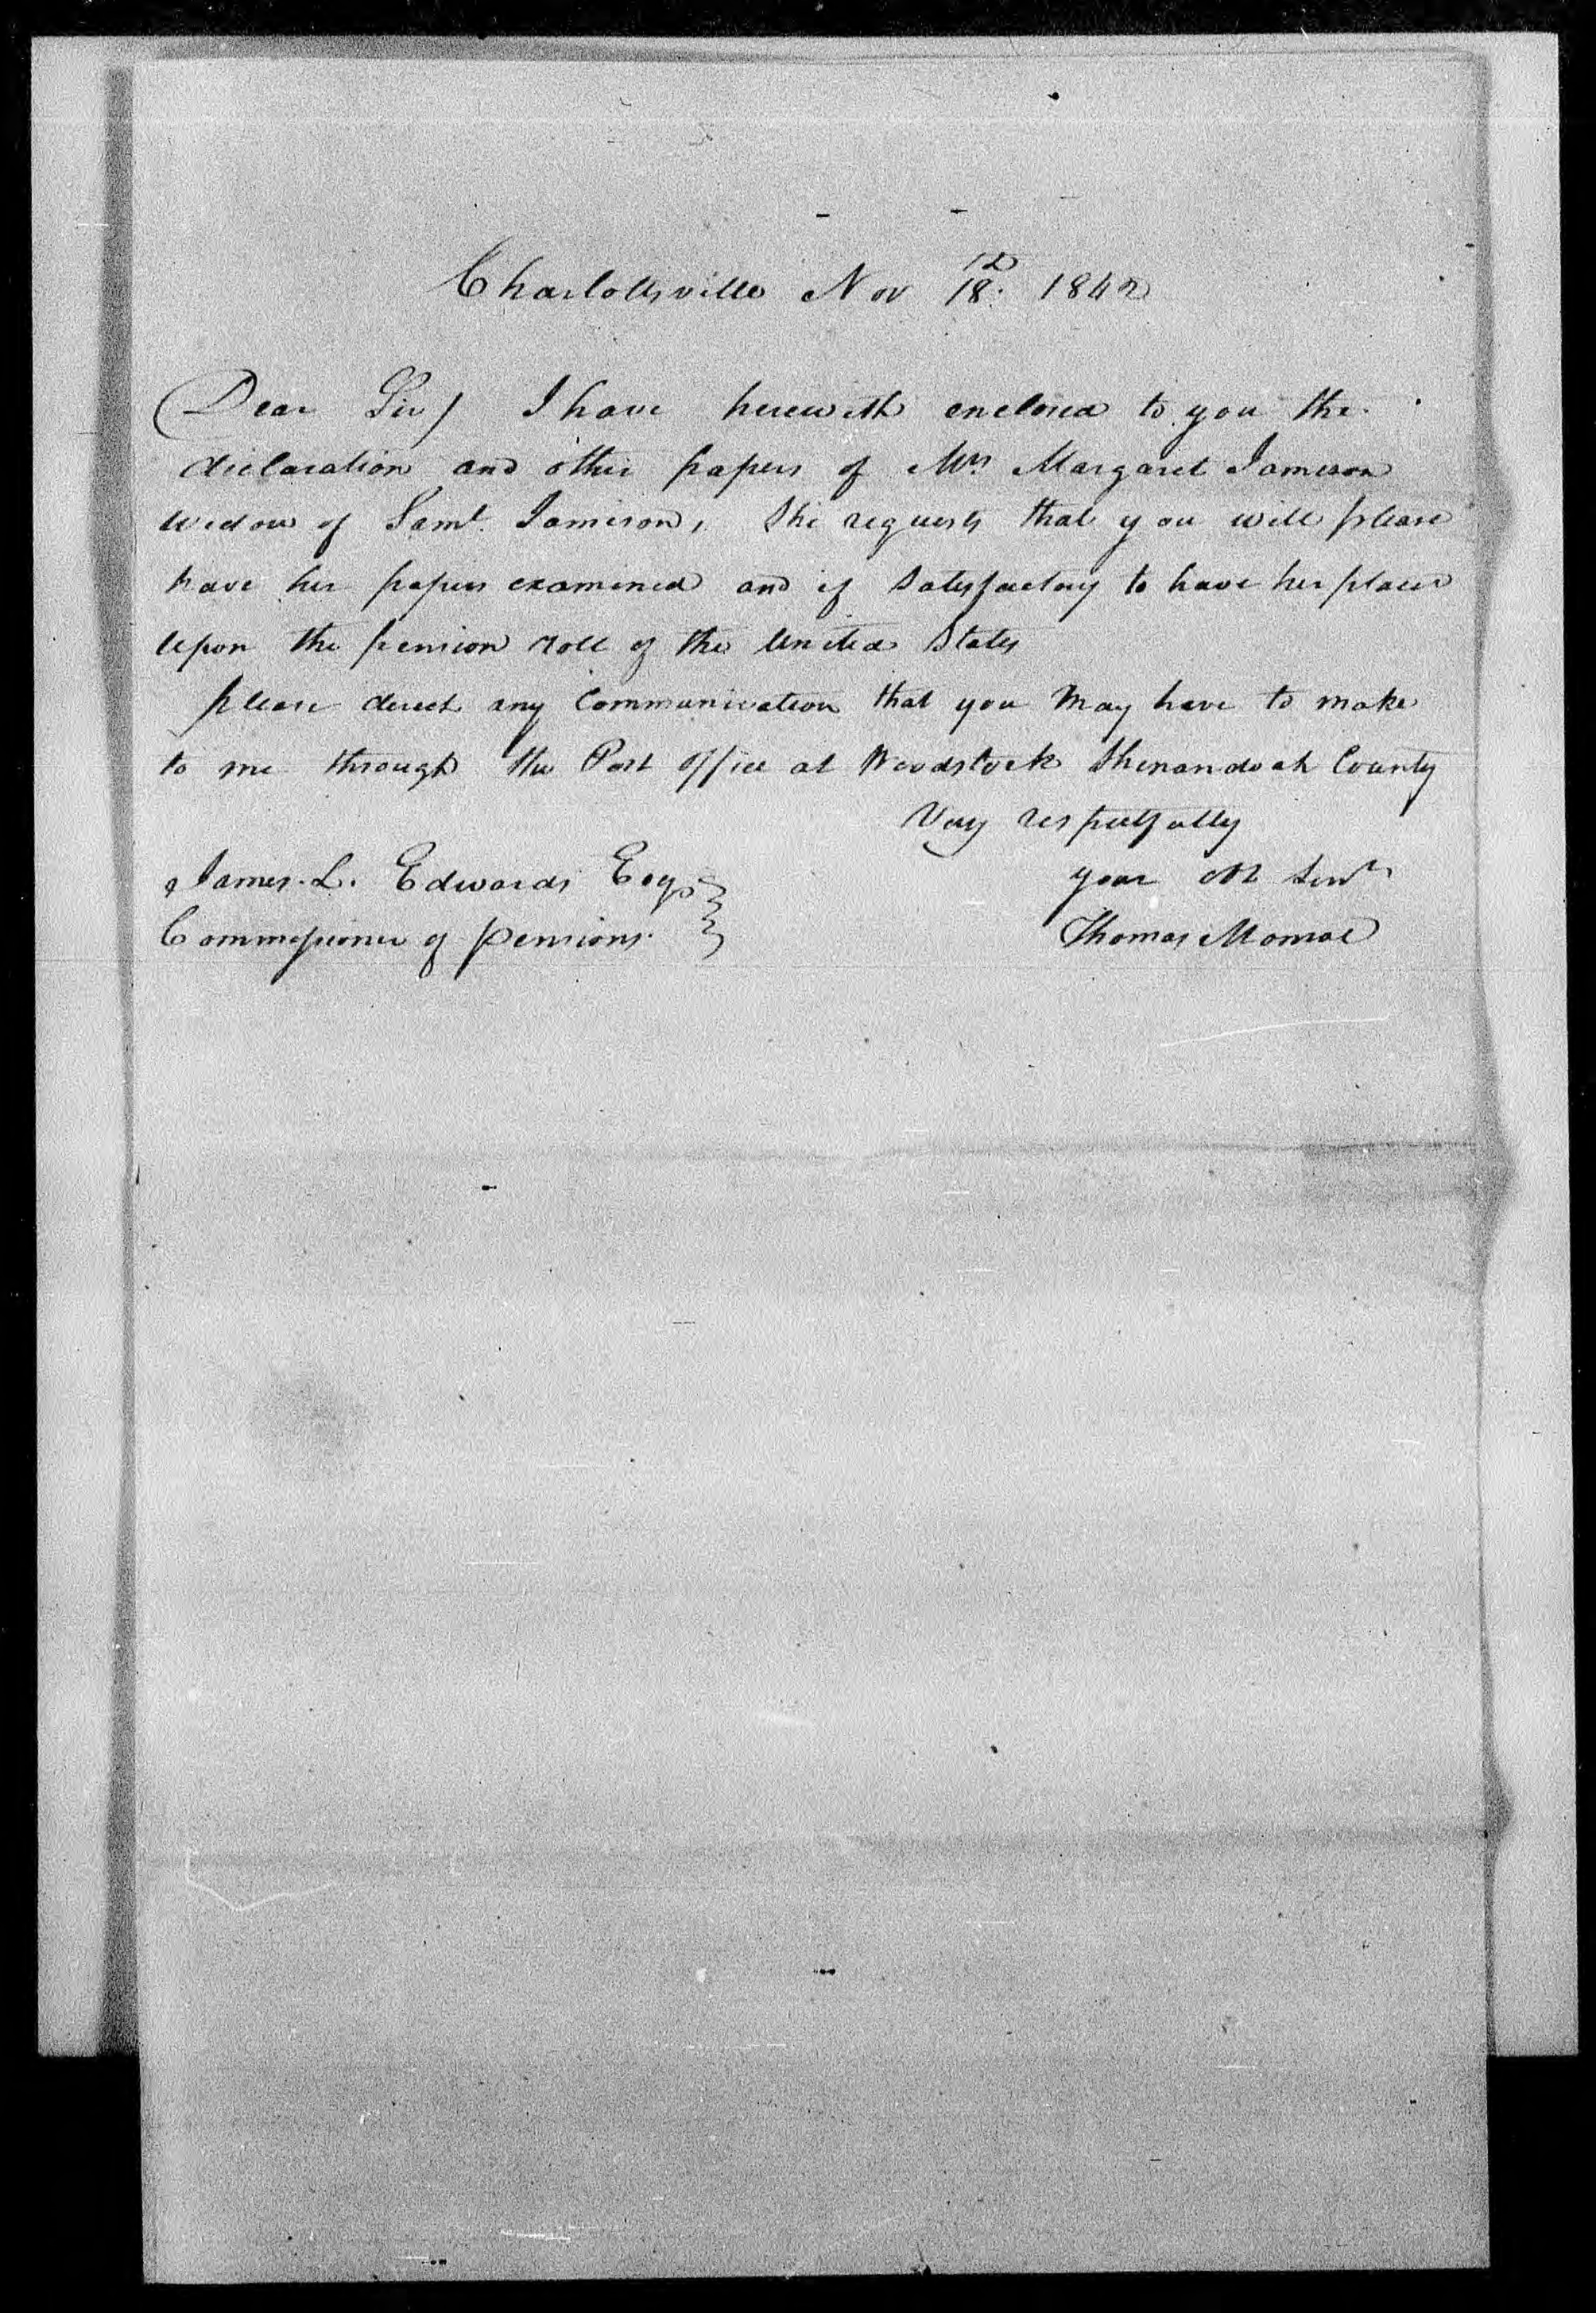Charlottesville Nov 18th 1842
Dear Sir I have herewith enclosed to you the
declaration and other papers of Mrs. Margaret Jameson
widow of Sam'l Jameson.  She requests that you will please
have her papers examined and if satisfactory to have her placed
upon the pension roll of the United States.
Please direct any communication that you may have to make
to me through the Post Office at Woodstock Shenandoah County
Very respectfully
your obt Serv't
Thomas Monroe

James L. Edwards Esq}
Commissioner of pensions}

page: 12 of 28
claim: widow's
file: W. 5112, for Samuel Jamieson, Virginia